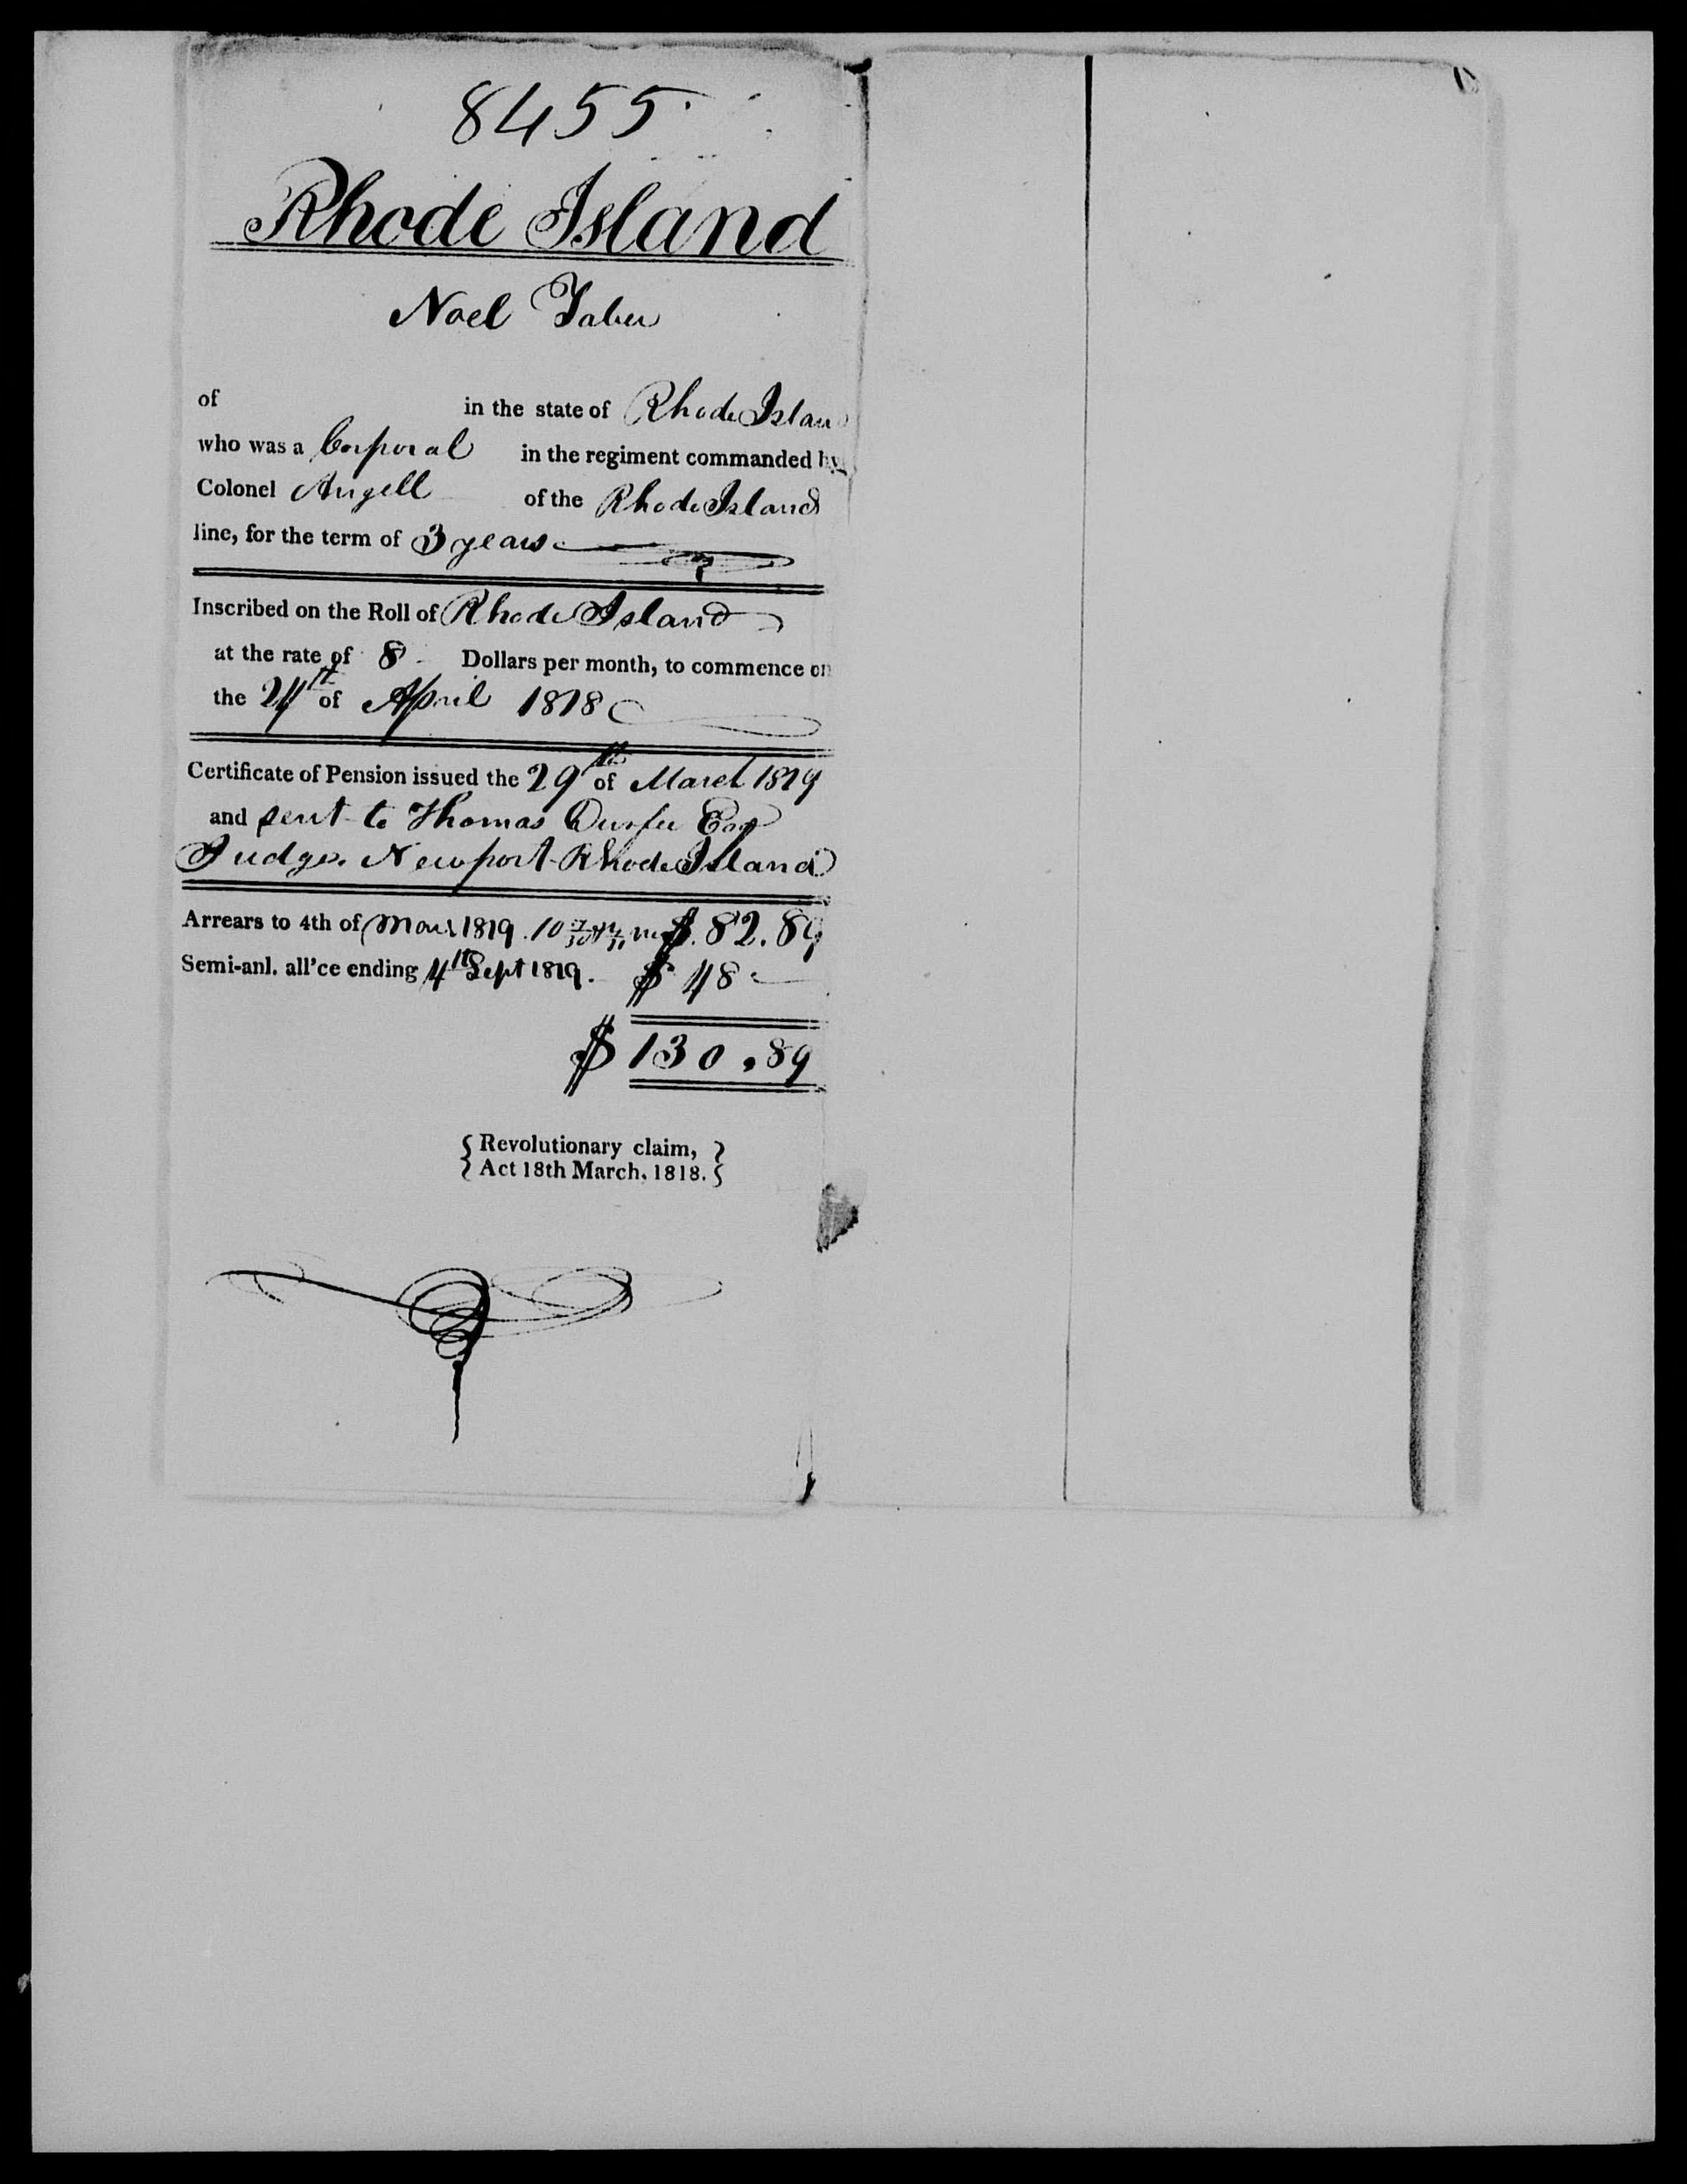8455
Rhode Islanf
Noel Taber
of [blank] in the state of Rhode Island
who was a Corporal int the regiment by
Colonel Angell of the Rhode Island
line, for the term of 3 years
Inscribed on the Roll of Rhode Island
at the rate of 8 Dollars per month, to commence on
the 24th of  April 1878
Certificate of Pension issued the 29th of March 1819
and sent to Thomas Durfee Esq
Judge Newport Rhode Island
Arrears to 4th of Mar 1819 .10 [illegible] $82.89
Semianl all'ce ending 4th Sept 1819 $48
$130.84
Revolutionary claim,
Act 18th March, 1818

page: 14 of 22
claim: survivor's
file: S 33777, for Noel Taber, Rhode Island